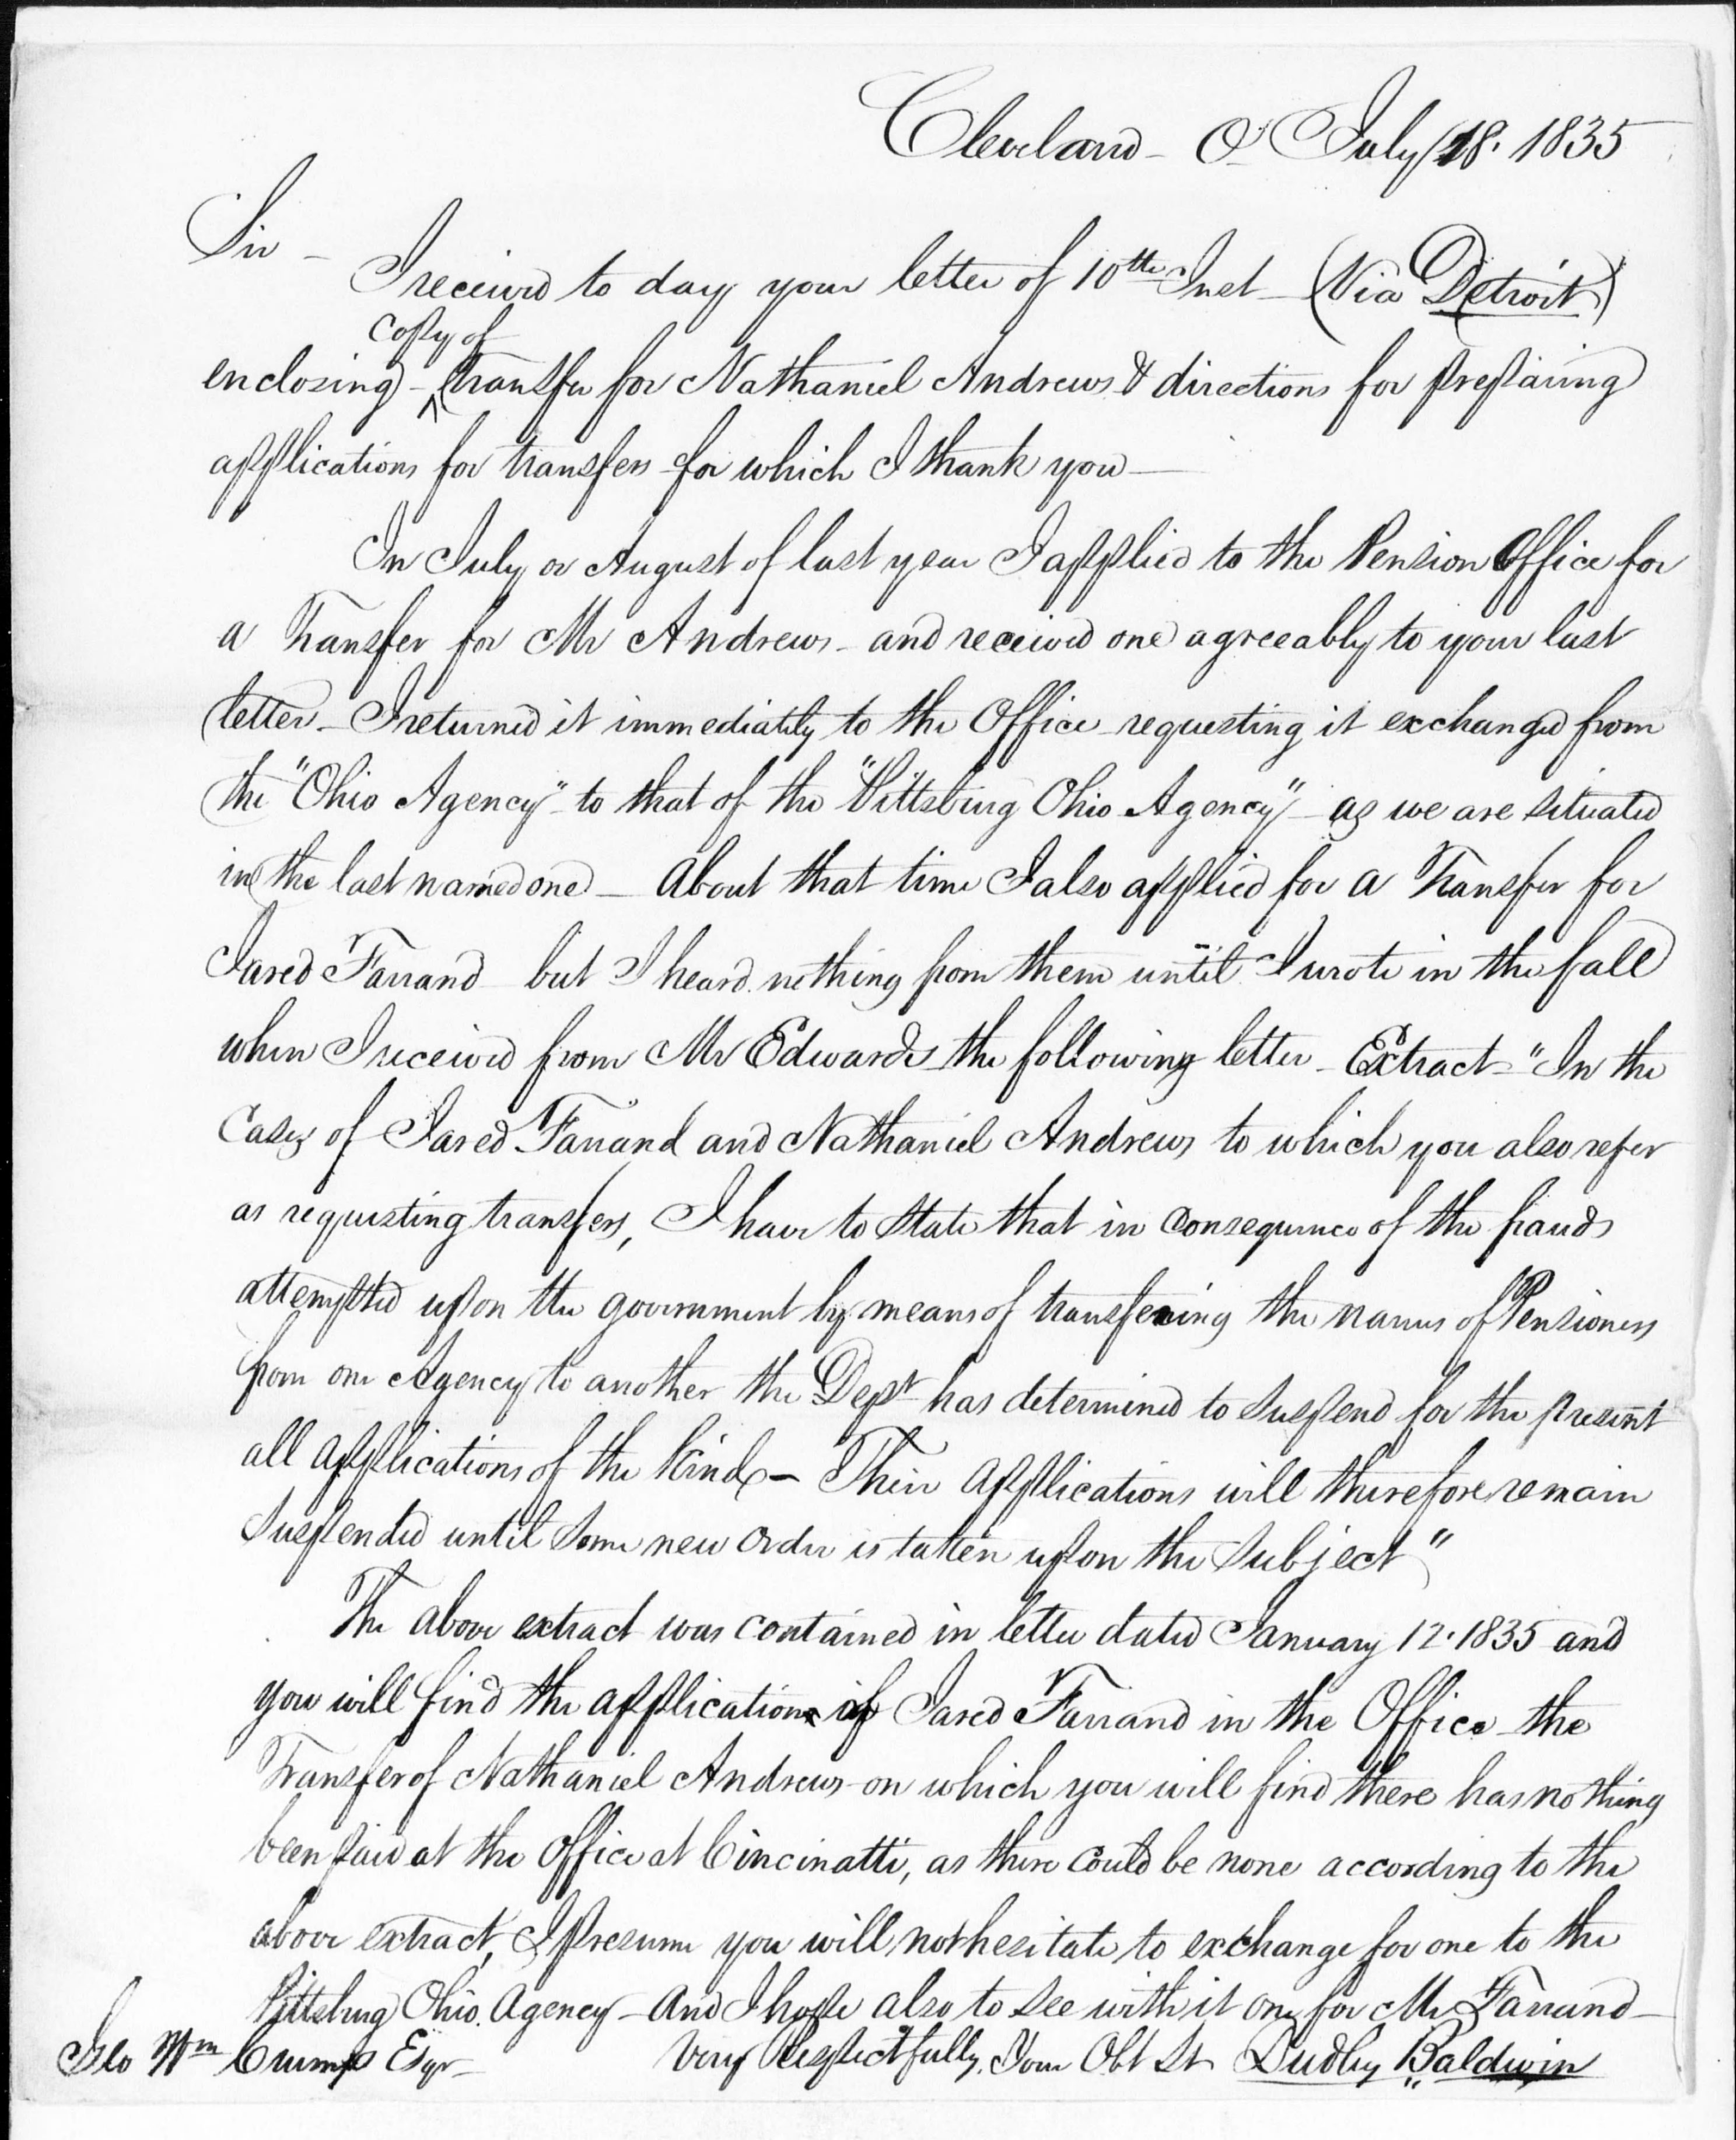Cleveland July 18, 1835
Sir
I received to day your letter of 10th Inet (Via Detroit)
enclosing copy of transfer for Nathaniel Andrews & direction for preparing
application for transfers for which I thank you
In July or August of last year I applied to the Pension Office for
a transfer for Mr Andrews, and received one agreeably to your last
letter I returned it immediately to the Office requesting it exchanged from
The "Ohio Agency" to that of the "Pittsburg Ohio Agency" as we are situated
in the last named one About that time I also applied for a transfer for
Jared Farrand but I heard nothing from them until I wrote in the fall
when I received from Mr Edwards the following letter Extract "In the
Cases of Jared Farrand and Nathaniel Andrews to which you also refer
as requesting transfers, I have to state that in consequence of the frauds
attempted upon the government by means of transferring the names of Pensioners
from one Agency to another the Dept has determined to suspend for the present
all applications of the kind Their applications will therefore remain
Suspended until some new order is taken upon the subject
The above extract was contained in letter dated January 12. 1835 and
you will find the application of Jared Farrand in the Office the
Transfer of Nathaniel Andrews on which you will find there has nothing
been paid at the office at Cincinatti, as there could be none according to the
above extract, I presume you will not hesitate to exchange for one to the
Pittsburg Ohio, Agency and I hope also to see with it one for Mr Farrand
Geo Wm Crump Eqr  Very Respectfully Yours [illegible] Dudley Baldwin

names: Geo Wm Crump, Dudley Baldwin, Nathaniel Andrews, Andrews, Edwards, Nathaniel Andrews, Nathaniel Andrews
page: 47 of 78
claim: widow's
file: W. 4117, Nathaniel Bradley, Conn.